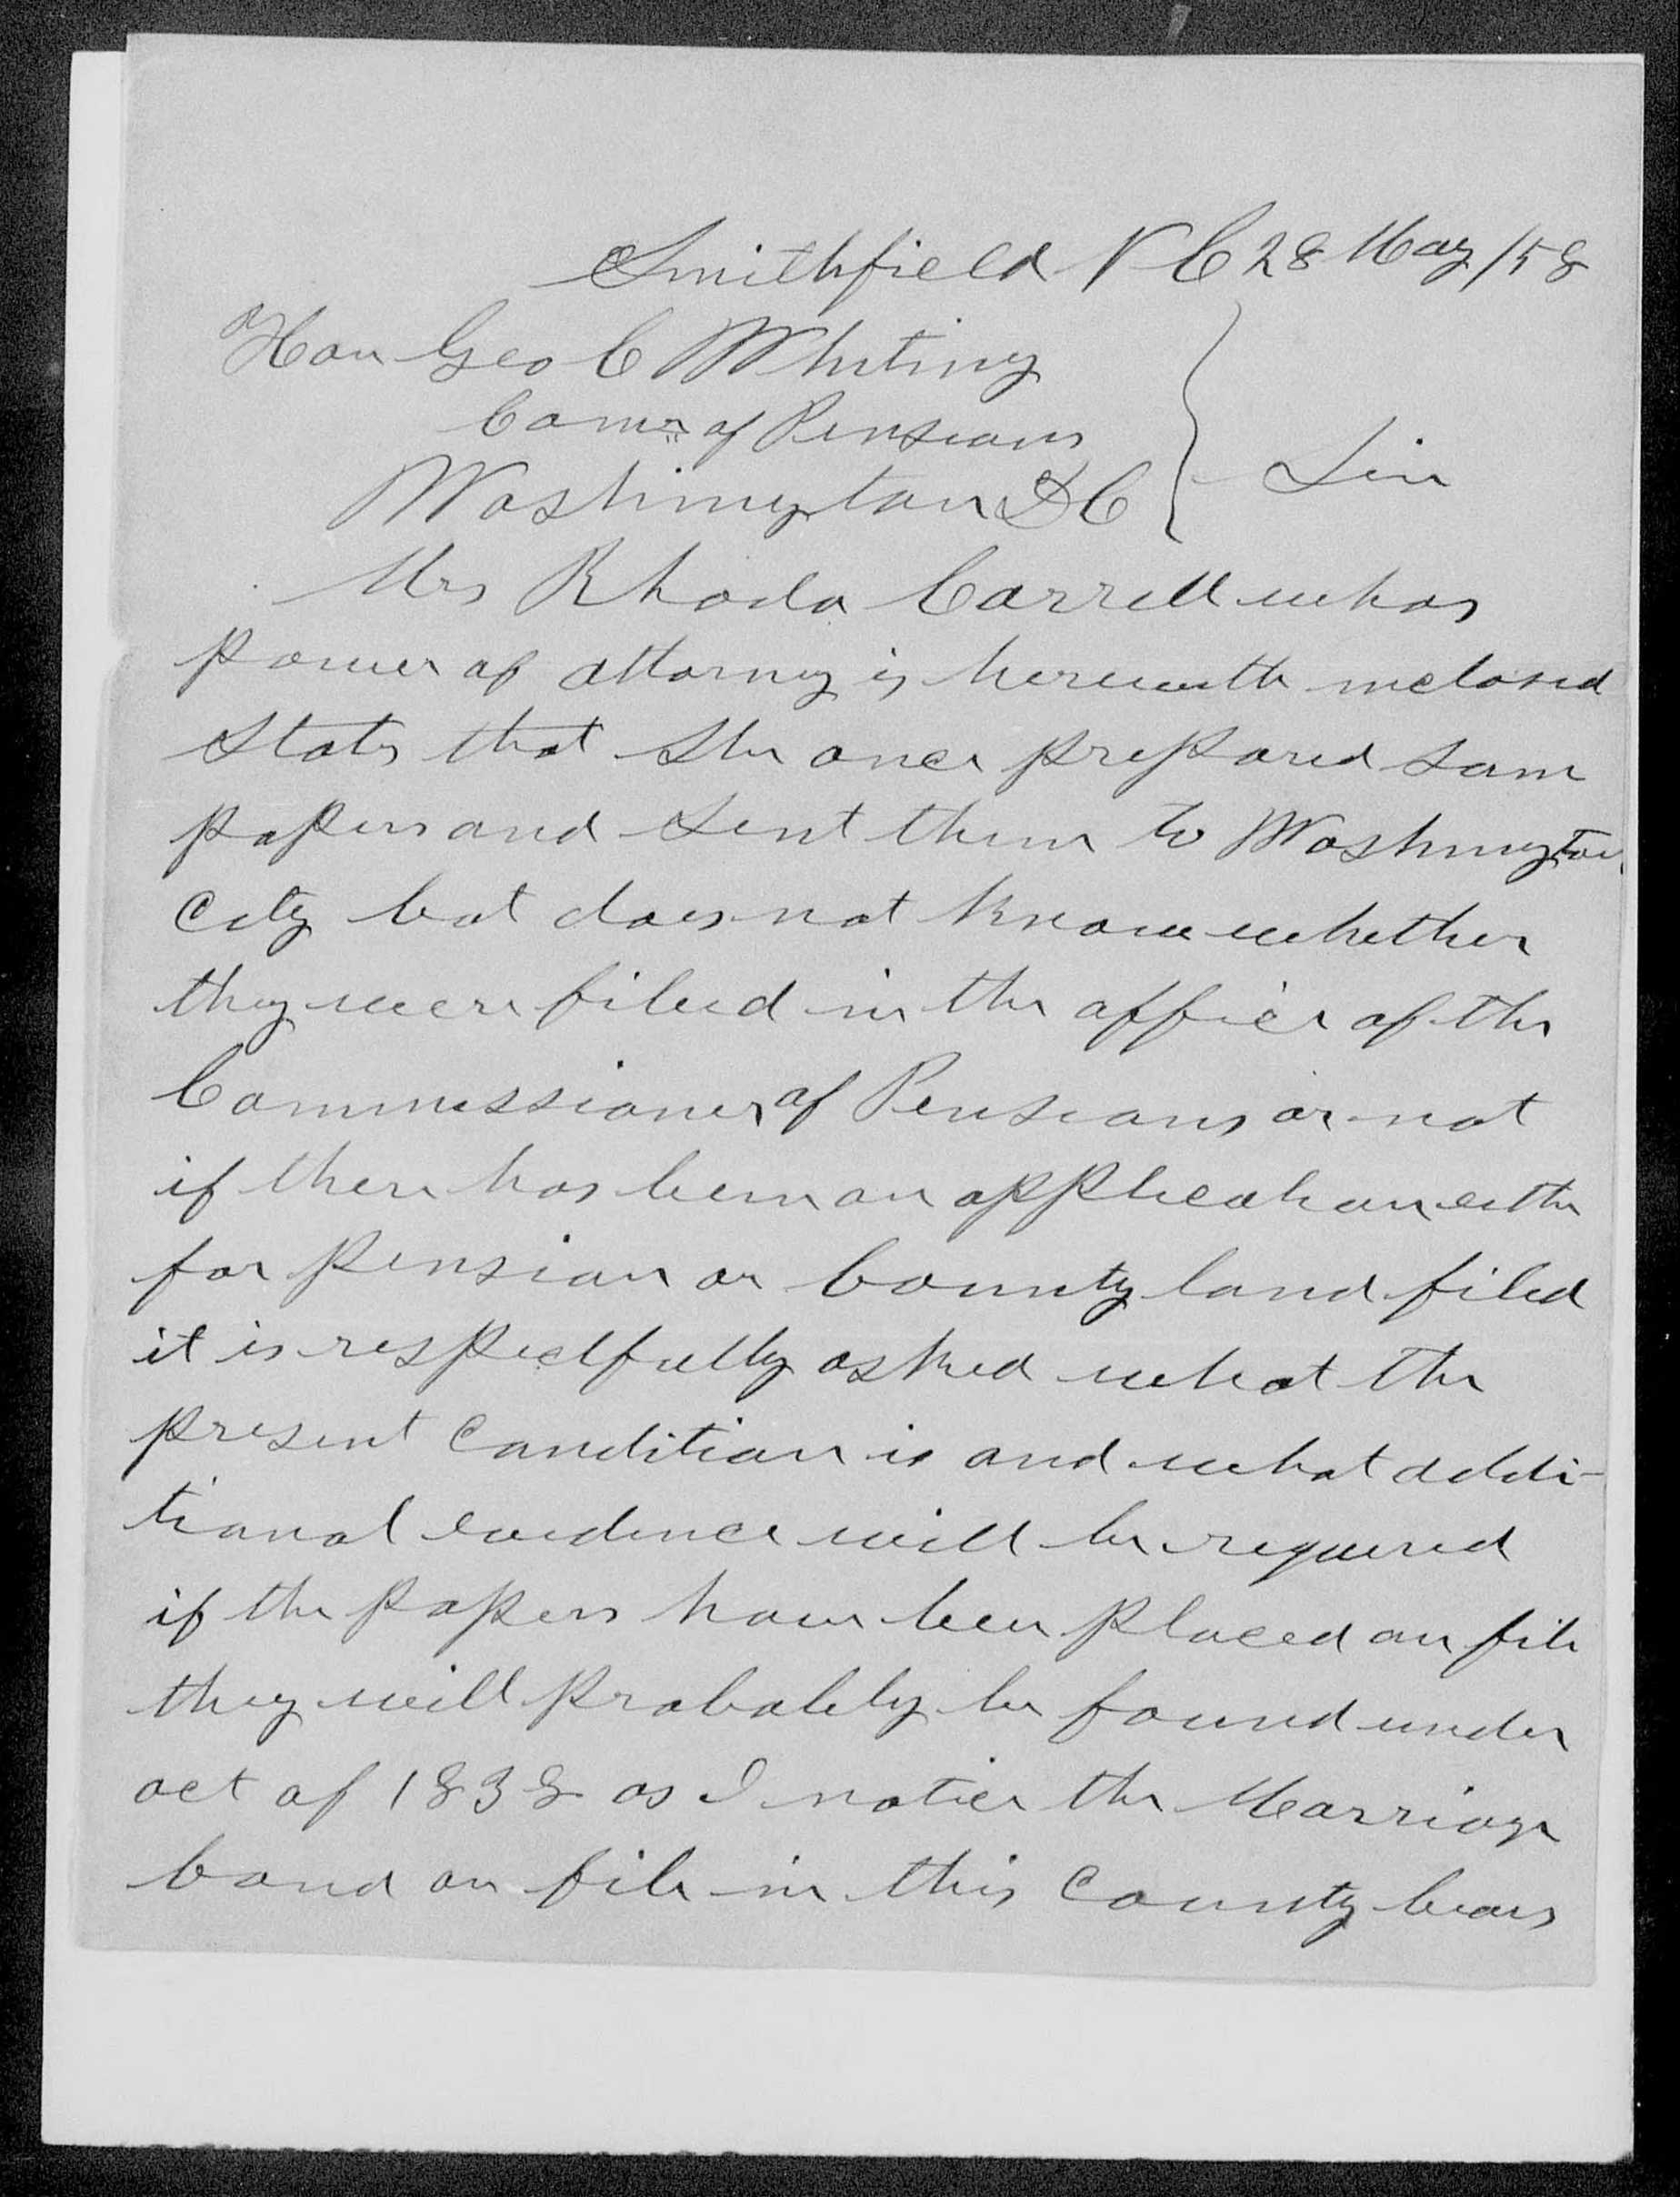Smithfield NC 28 May /58

Hon Geo. C. Whiting
Commr of Pensions
Washington DC

Sir
Mrs Rhoda Carrell whose power of attorney is herewith enclosed states that she once prepared some papers and sent them to Washington City but does not know whether they were filed in the office of the Commissioner of Pensions or not if there has been any application either for pension or bounty land filed it is respectfully asked what the present condition is and what additional evidence will be required if the papers have been placed on file they will probably be found under act of 1838 as I notice the marriage band on file in this county bears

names: Rhoda Carrell, Geo C Whiting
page: 49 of 86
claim: widow's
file: W. 6899, James Carrell, N.C.